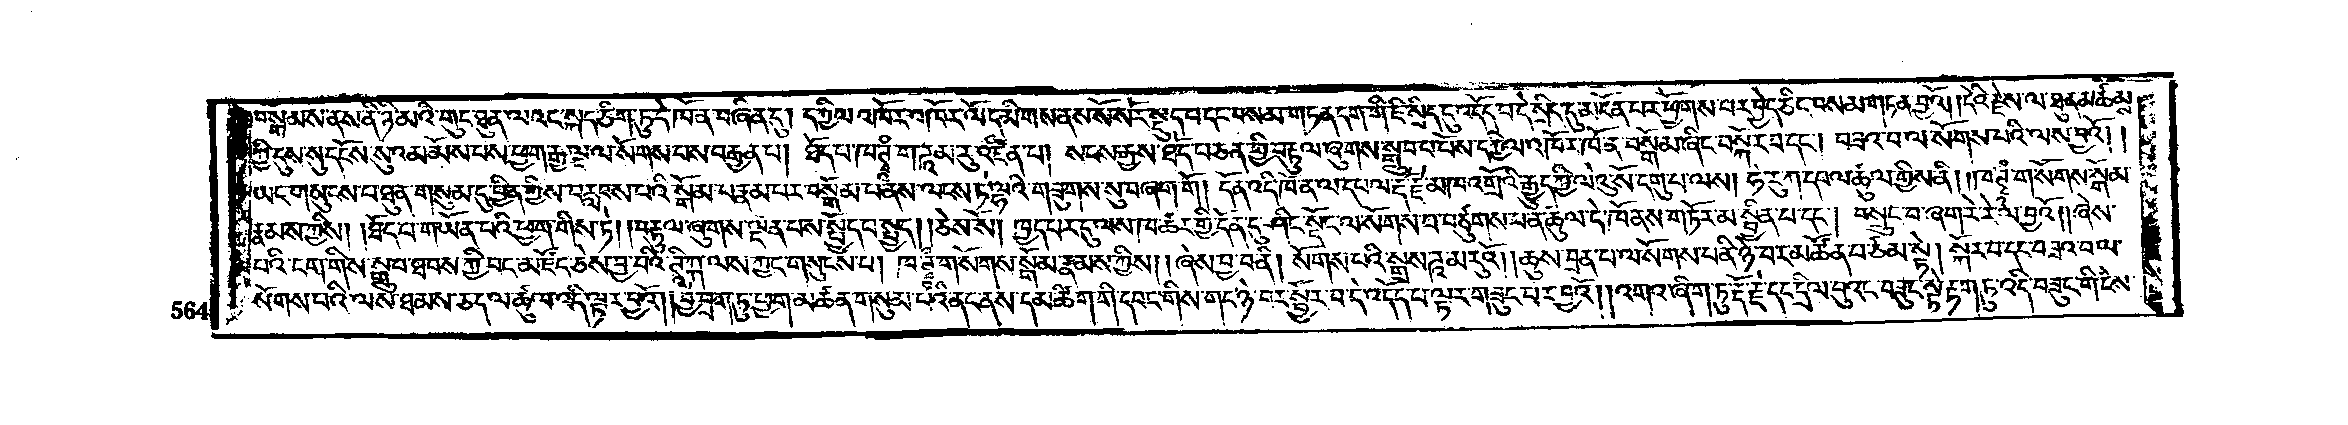བསྒོམས་ནས་ནི་ཉི་མའི་གུང་ཐུན་ལའང་སྐད་ཅིག་ཏུ་དེ་ཁོ་ན་བཞིན་དུ། དཀྱིལ་འཁོར་འཁོར་ལོ་དམིགས་ནས་སོ་སོར་སྡུད་པ་དང་བསམ་གཏན་དག་གི་ཇི་སྲིད་དུ་འདོད་པ་དེ་སྲིད་དུ་མངོན་པར་ཕྱོགས་པར་བྱེད་ཅིང་བསམ་གཏན་བྱའོ། །དེའི་རྗེས་ལ་ཐུན་མཚམས་
ཀྱི་དུས་སུ་དངོས་སུའམ་མོས་པས་ཕྱག་རྒྱ་ལྔ་ལ་སོགས་པས་བརྒྱན་པ། ཐོད་པ་ཁ་ཊྭཱཾ་ག་ཌཱ་མ་རུ་འཛིན་པ། སངས་རྒྱས་ཐོད་པ་ཅན་གྱི་བརྟུལ་ཞུགས་སྒྲུབ་པ་པོས་དཀྱིལ་འཁོར་ཁོ་ན་བསྒོམ་ཞིང་བསྐོར་བ་དང་། བཟའ་བ་ལ་སོགས་པའི་ལས་བྱའོ། །
ཡང་གསུངས་པ་ཐུན་གསུམ་དུ་བྱིན་གྱིས་བརླབས་པའི་སྒོམ་པ་རྣམ་པར་བསྒོམ་པ་ནས་ལངས་ཏེ་ལྷའི་གཟུགས་སུ་བཞག་གོ །དོན་འདི་ཁོ་ན་ལ་དཔལ་རྡོ་རྗེ་མཁའ་འགྲོའི་རྒྱུད་ཀྱི་ལེའུ་སོ་དགུ་པ་ལས། ཧེ་རུ་ཀ་དཔལ་ཚུལ་གྱིས་ནི། །ཁ་ཊྭཱཾ་ག་སོགས་སྒོམ་
རྣམས་ཀྱིས། །ཐོད་པ་གཡོན་པའི་ཕྱག་གིས་ཏེ། །བརྟུལ་ཞུགས་ལྡན་པས་སྤྱོད་པ་སྤྱད། །ཅེས་སོ། ཁྱད་པར་དུ་ལས་ཁ་ཚར་གྱི་དོན་དུ་ཤིང་སྡོང་ལ་སོགས་པ་བཙུགས་པ་ན་ཚུལ་དེ་ཁོ་ནས་གཏོར་མ་སྦྱིན་པ་དང་། བསྲུང་བ་ཞག་རེ་རེ་ལ་བྱའོ། །ཞེས་
པའི་ངག་གིས་སྒྲུབ་ཐབས་ཀྱི་བང་མཛོད་ཅེས་བྱ་བའི་ཊཱིཀྐ་ལས་ཀྱང་གསུངས་པ། ཁ་ཊྭཱཾ་ག་སོགས་སྒོམ་རྣམས་ཀྱིས། །ཞེས་བྱ་བ་ནི། སོགས་པའི་སྒྲས་ཌཱ་མ་རུའོ། །ཆུས་བྲན་པ་ལ་སོགས་པ་ནི་ཉེ་བར་མཚོན་པ་ཙམ་སྟེ། སྐོར་བ་དང་བཟའ་བ་ལ་
སོགས་པའི་ལས་ཐམས་ཅད་ལ་ཚུལ་འདི་ལྟར་བྱའོ། །བྱེ་བྲག་ཏུ་ཕྱག་མཚན་གསུམ་པའི་ནང་ནས་དམ་ཚིག་གི་དབང་གིས་གང་ཉེ་བར་སྦྱོར་བ་དེ་འདོད་པ་ལྟར་གཟུང་བར་བྱའོ། །འགའ་ཞིག་ཏུ་རྡོ་རྗེ་དང་དྲིལ་བུའང་བཟུང་སྟེ་རྟག་ཏུ་འདི་བཟུང་གི་ངེས་